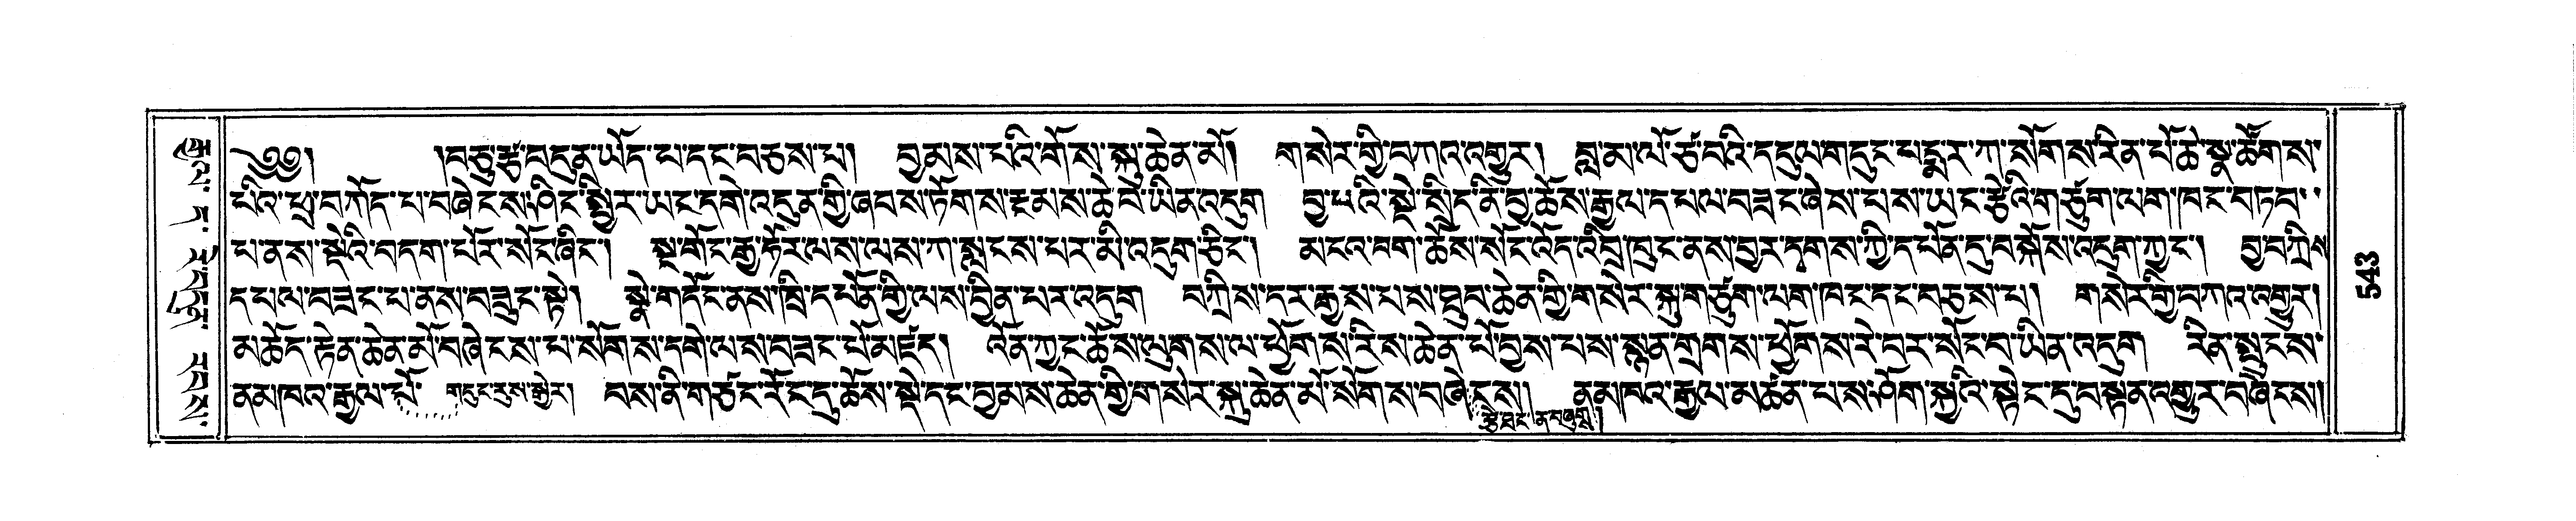༄༅། །བཅུ་རྩ་བདུན་ཡོད་པ་དང་བཅས་པ། བྱམས་པའི་གོ་ས་སྐུ་ཆེན་མོ། གསེར་གྱི་བཀའ་འགྱུར། བླ་མ་ལོ་ཙ་བའི་དངུལ་གདུང་པདམ་ར་ཀ་སོགས་རིན་པོ་ཆེ་སྣ་ཚོགས་
པའི་ཕྲ་བཀོད་པ་བཞེངས་ཤིང་སྤྱིར་ཡང་དགེ་འདུན་གྱི་ཞབས་ཏོགས་རྔམས་ཆེ་བ་ཡིན་འདུག་བྱ་པའི་སྡེ་སྲིད་ནི་བྱ་ཆོས་རྒྱལ་དཔལ་བཟང་ཞེས་པས་ཡང་རྩེའི་གཙུག་ལག་ཁང་བཏབ་
པ་ནས་སྡེའི་བདག་པོར་སོང་ཞིང་། སྔ་གོང་རྒྱ་ཧོར་ལས་ལས་ཀ་སླངས་པར་མི་འདུག་ཅིང་། མངའ་བག་ཆོས་སོང་འོད་འབྲི་ཁུང་ནས་བྱར་དྭགས་ཀྱི་དཔོན་དུ་བསྐོས་འདུག་ཀྱང་། བྱ་བཀྲིས་
དཔལ་བཟང་པ་ནས་བཟུང་སྟེ། སྣེ་གདོང་ནས་ཁྲི་དཔོན་གྱི་ལས་བྱིན་པར་འདུག་བཀྲིས་དར་རྒྱས་པས་ཐུབ་ཆེན་གྱི་གསེར་སྐུ་གཙུག་ལག་ཁང་དང་བཅས་པ། གསེར་གྱི་བཀའ་འགྱུར།
མཆོད་རྟེན་ཆེན་མོ་བཞེངས་པ་སོགས་དགེ་ལས་བཟང་པོ་མཛད། འོན་ཀྱང་ཆོས་ལུགས་ལ་ཕྱོགས་རིས་ཆེན་པོ་བྱས་པས་སྙན་གྲགས་ཕྱོགས་རེ་བར་སོང་བ་ཡིན་འདུག་རིན་སྤུངས་
ནམཁའ་རྒྱལ་པོ་གདུང་རུས་སྒྱེར།  བས་ནི་གཙང་རོང་དུ་ཆོས་སྡེ་དང་བྱམས་ཆེན་གྱི་གསེར་སྐུ་ཆེན་མོ་སོགས་བཞེངས། ཙེ་ཐང་ན་བཞུགས།  ནམཁའ་རྒྱལ་མཚན་པས་ཤོག་སྐྱའི་སྟེང་དུ་བསྟན་འགྱུར་བཞེངས།